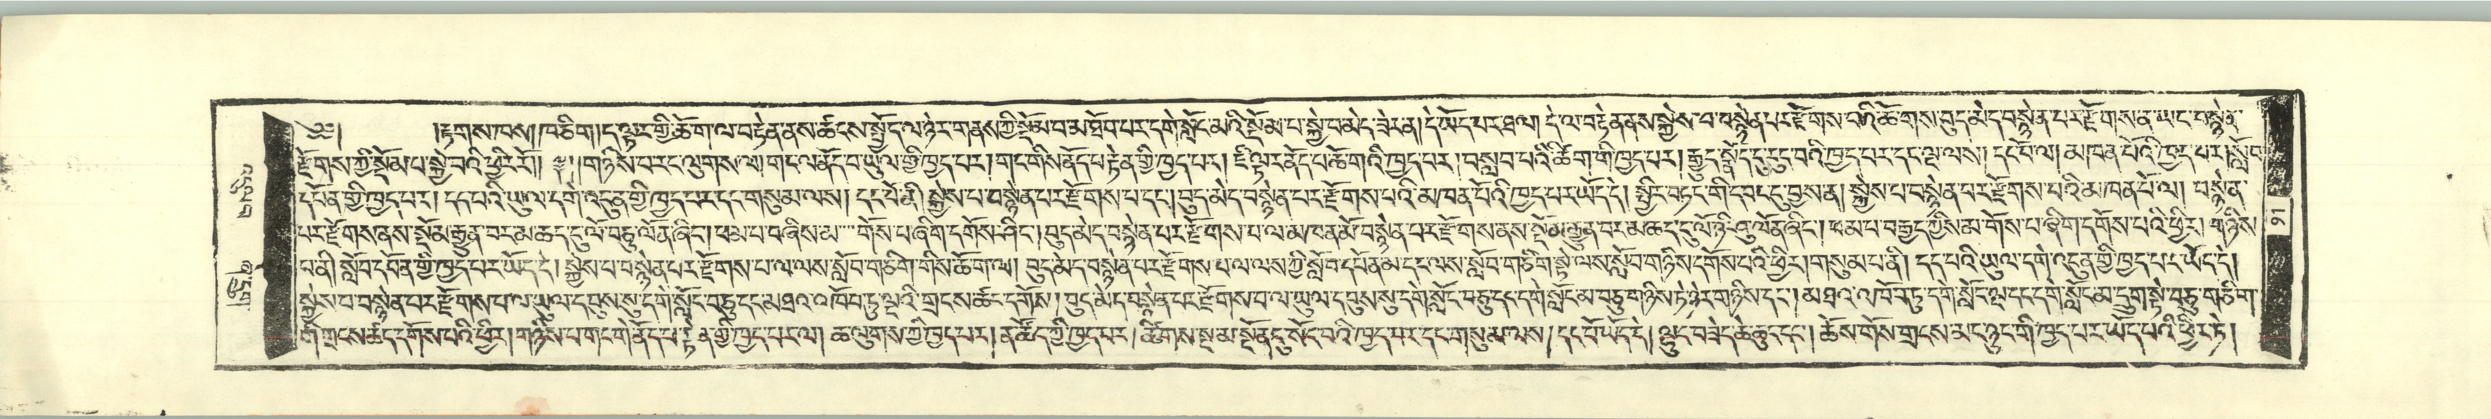༄༅། །རྟགས་ཁས། ཁ་ཅིག །ད་ལྟར་གྱི་ཆོ་ག་ལ་བརྟེན་ནས་ཚངས་སྤྱོད་ལ་ཉེར་གནས་ཀྱི་སྡོམ་བ་མ་ཐོབ་པར་དགེ་སློང་མའི་སྡོམ་པ་སྐྱེ་བ་མེད་ཟེར་ན། དེ་ཡོད་པར་ཐལ། དེ་ལ་བརྟེན་ནས་སྐྱེས་བ་བསྙེན་པར་རྫོགས་པའི་ཆོ་གས་བུད་མེད་བསྙེན་པར་རྫོགས་ན་ཡང་བསྙེན་
རྫོགས་ཀྱི་སྡོམ་པ་སྐྱེ་བའི་ཕྱིར་རོ།། ༈།།གཉིས་པ་རང་ལུགས་ལ། གང་ལ་ནོད་བ་ཡུལ་གྱི་ཁྱད་པར། གང་གིས་ནོད་པ་རྟེན་གྱི་ཁྱད་པར། ཇི་ལྟར་ནོད་པ་ཆོ་གའི་ཁྱད་པར། བསླབ་པའི་ཚིག་གི་ཁྱད་པར། རྒྱུད་སྣོད་དུ་རུང་བའི་ཁྱད་པར་དང་ལྔ་ལས། དང་པོ་ལ། མཁན་པོའི་ཁྱད་པར། སློབ་
དཔོན་གྱི་ཁྱད་པར། དད་པའི་ཡུལ་དགེ་འདུན་གྱི་ཁྱད་པར་དང་གསུམ་ལས། དང་པོ་ནི། སྐྱེས་པ་བསྙེན་པར་རྫོགས་པ་དང་། བུད་མེད་བསྙེན་པར་རྫོགས་པའི་མཁན་པོའི་ཁྱད་པར་ཡོད་དེ། སྤྱིར་བཏང་གི་དབང་དུ་བྱས་ན། སྐྱེས་པ་བསྙེན་པར་རྫོགས་པའི་མཁན་པོ་ལ། བསྙེན་
པར་རྫོགས་ནས་སྡོམ་རྒྱུན་བར་མ་ཆད་དུ་ལོ་བཅུ་ལོན་ཞིང་། ཕམ་པ་བཞིས་མ་གོས་པ་ཞིག་དགོས་ཤིང་། བུད་མེད་བསྙེན་པར་རྫོགས་པ་ལ་མཁན་མོ་བསྙེན་པར་རྫོགས་ནས་སྡོམ་རྒྱུན་བར་མ་ཆད་དུ་ལོ་ཉི་ཤུ་ལོན་ཞིང་། ཕམ་པ་བརྒྱད་ཀྱིས་མ་གོས་པ་ཞིག་དགོས་པའི་ཕྱིར། གཉིས་
པ་ནི། སློབ་དབོན་གྱི་ཁྱད་པར་ཡོད་དེ། སྐྱེས་པ་བསྙེན་པར་རྫོགས་པ་ལ་ལས་སློབ་གཅིག་གིས་ཆོ་ག་ལ། བུད་མེད་བསྙེན་པར་རྫོགས་པ་ལ་ལས་ཀྱི་སློབ་དཔོན་མ་དང་ལས་སློབ་གཅིག་སྟེ་ལས་སློབ་གཉིས་དགོས་པའི་ཕྱིར། གསུམ་པ་ནི། དད་པའི་ཡུལ་དགེ་འདུན་གྱི་ཁྱད་པར་ཡོད་དེ།
སྐྱེས་པ་བསྙེན་པར་རྫོགས་པ་ལ་ཡུལ་དབུས་སུ་དགེ་སློང་བཅུ་དང་མཐའ་འཁོབ་ཏུ་ལྔའི་གྲངས་ཚང་དགོས། བུད་མེད་བསྙེན་པར་རྫོགས་བ་ལ་ཡུལ་དབུས་སུ་དགེ་སློང་བཅུ་དང་དགེ་སློང་མ་བཅུ་གཉིས་ཏེ་ཉེར་གཉིས་དང་། མཐའ་འཁོབ་ཏུ་དགེ་སློང་ལྔ་དང་དགེ་སློང་མ་དྲུག་སྟེ་བཅུ་གཅིག་
གི་གྲངས་ཚད་དགོས་པའི་ཕྱིར། གཉིས་པ་གང་གེ་ནོད་པ་རྟེན་གྱི་ཁྱད་པར་ལ། ཆ་ལུགས་ཀྱི་ཁྱད་པར། ན་ཚོད་ཀྱི་ཁྱད་པར། ཚིགས་སྔ་མ་སྔོན་དུ་སོང་བའི་ཁྱད་པར་དང་གསུམ་ལས། དང་པོ་ཡོད་དེ། ལྷུང་བཟེད་ཆེ་ཆུང་དང་། ཆོས་གོས་གྲངས་མང་ཉུང་གི་ཁྱད་པར་ཡོད་པའི་ཕྱིར་ཏེ།